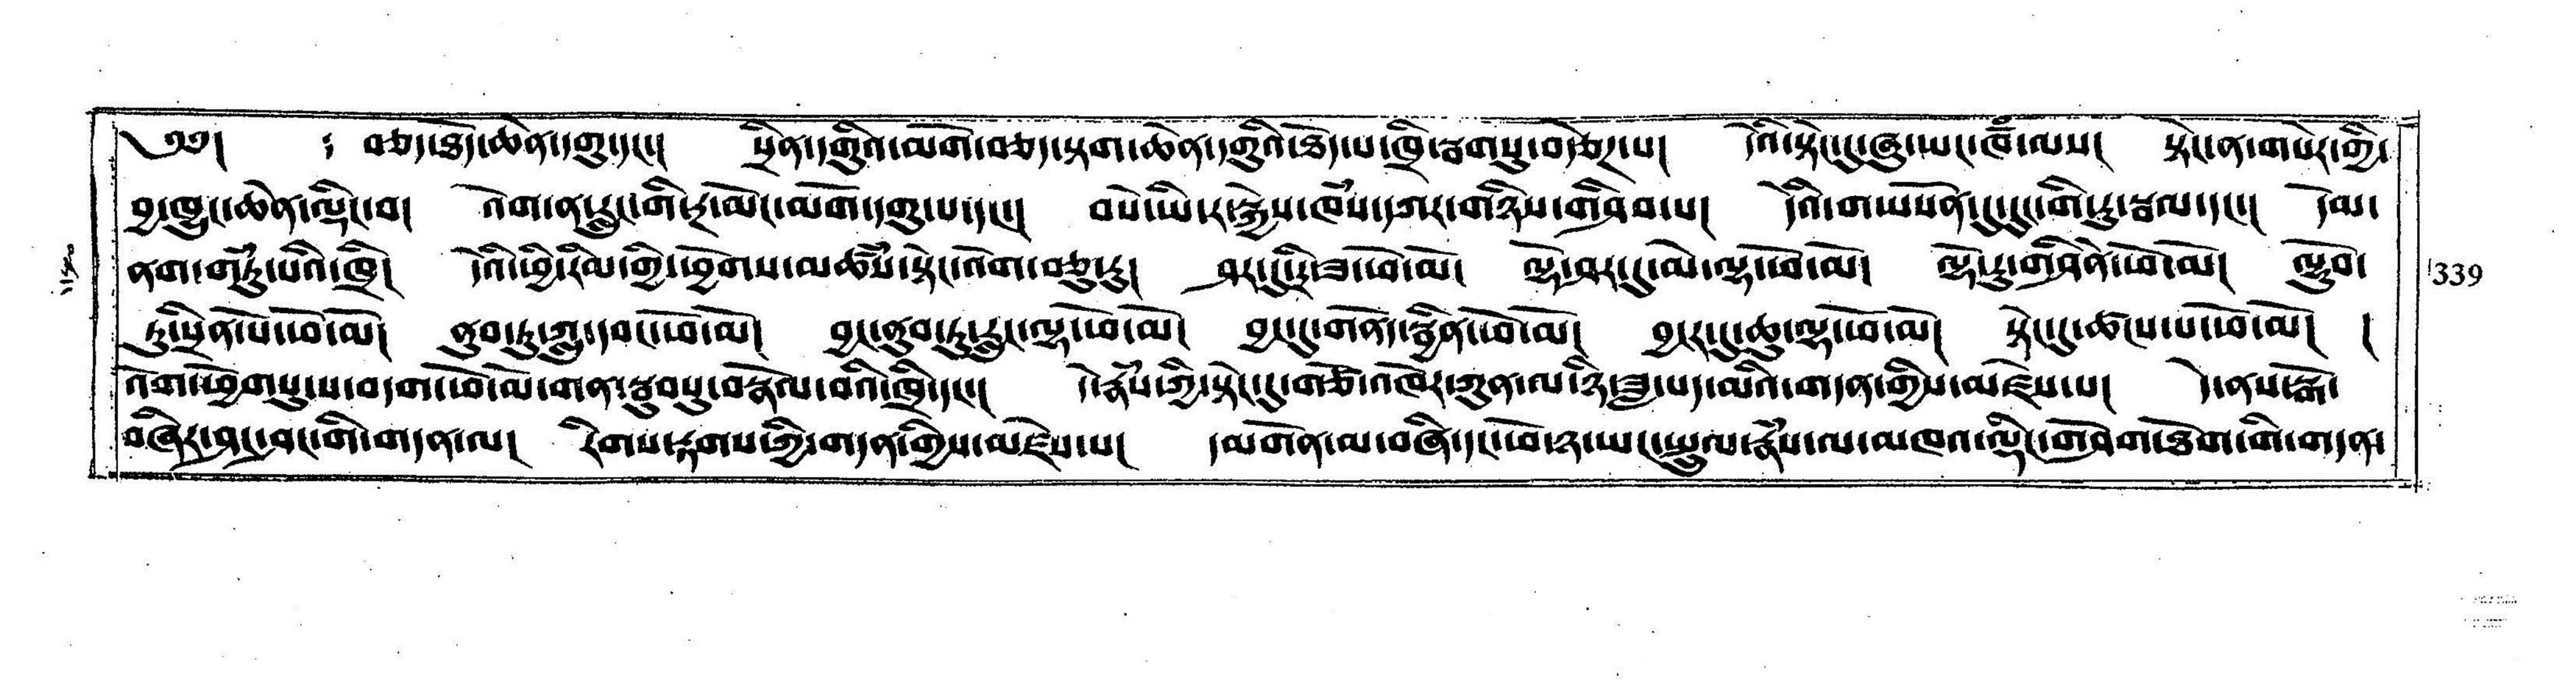བཅད་ཐོད་ཆེན་དགུ་དང་། སྲིན་དགུའི་མགོ་བཅད་སྟག་ཆེན་དགུའི་ཐོད་པ་ཁྲི་སྦགས་སུ་བརྩེགས་པ། དེའི་སྟེང་དུ་ཞུ་ཡང་ཁྃ་ལས། སྟེང་ན་གསེར་གྱི་
བྱ་ཁྱུང་ཆེན་ལྡིང་བ། འོག་ན་རླུང་གི་རྔ་མོང་མགོ་དགུ་པ་དང་། བསེ་ཡི་ར་སྐྱེས་ཁམས་དཀར་གཉིས་གཤིབ་པ། དེའི་གཡས་གཡོན་དུ་དུང་གི་རུ་སྦལ་དང་། དོམ་
ནག་གཏུམ་པའི་ཁྲི། དེའི་ཕྱི་རིམ་གྱི་ཕྱོགས་མཚམས་སྟེང་འོག་བཅུ་རུ། ཤར་དུ་དྲི་ཟ་ཕོ་མོ། ལྷོ་ཤར་དུ་མེ་ལྷ་ཕོ་མོ། ལྷོ་རུ་གཤིན་རྗེ་ཕོ་མོ། ལྷོ་ནུབ་
ཏུ་སྲིན་པོ་ཕོ་མོ། ནུབ་ཏུ་ཀླུ་དབང་ཕོ་མོ། བྱང་ནུབ་ཏུ་རླུང་ལྷ་ཕོ་མོ། བྱང་དུ་གནོད་སྦྱིན་ཕོ་མོ། བྱང་ཤར་དུ་ཆུ་ལྷ་ཕོ་མོ། སྟེང་དུ་ཚངས་པ་ཕོ་མོ། 
འོག་ཕྱོགས་སུ་ས་བདག་ཕོ་མོ་གན་སྦུབས་སུ་བསྣོལ་བའི་ཁྲི་དང་། དེ་རྣམས་ཀྱི་སྟེང་དུ་གཙོ་འཁོར་ཀུན་ལ་ཉི་ཟླ་པད་མའི་གདན་གྱིས་མཛེས་པ། དེ་ནས་སྒོ་
བཞིར་ཤང་ཤང་གི་གདན་ལ། རིགས་རྟགས་ཀྱི་གདན་གྱིས་མཛེས་པ། དམག་དཔོན་མ་བཞི་དང་ཕོ་ཉ་ཡང་སྤྲུལ་རྣམས་ལ་མཁའ་ལྡིང་གཤོག་ཐོག་གི་གདན་